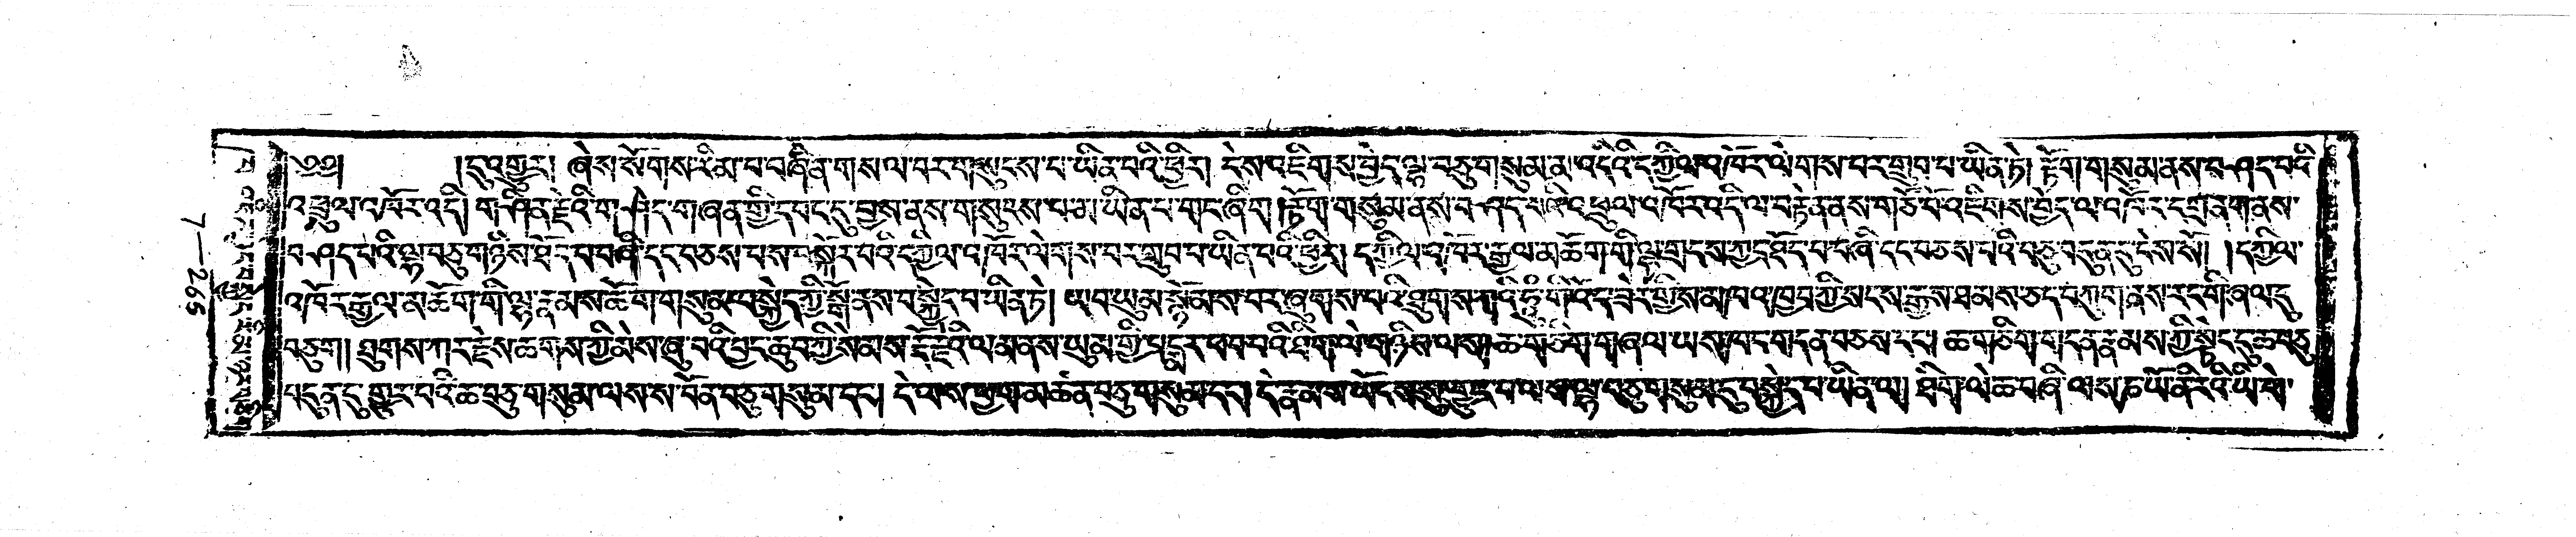༄༅། །དུ་འགྱུར། ཞེས་སོགས་རིམ་པ་བཞིན་གསལ་བར་གསུངས་པ་ཡིན་པའི་ཕྱིར། དེས་འཇིགས་བྱེད་ལྷ་བཅུ་གསུམ་མ་འདིའི་དཀྱིལ་འཁོར་ལེགས་པར་གྲུབ་པ་ཡིན་ཏེ། རྟོག་གསུམ་ནས་བཤད་པའི་
འཕྲུལ་འཁོར་འདི། གཤིན་རྗེའི་གཤེད་གཞན་གྱི་དབང་དུ་བྱས་ནས་གསུངས་པ་མ་ཡིན་པ་གང་ཞིག །རྟོག་གསུམ་ནས་བཤད་པའི་འཕྲུལ་འཁོར་འདི་ལ་བརྟེན་ནས་གཙོ་བོ་འཇིགས་བྱེད་ལ་འཁོར་དགྲ་ནག་ནས་
བཤད་པའི་ལྷ་བཅུ་གཉིས་ཐོད་པ་བཞི་དང་བཅས་པས་བསྐོར་བའི་དཀྱིལ་འཁོར་ལེགས་པར་གྲུབ་པ་ཡིན་པའི་ཕྱིར། དཀྱིལ་འཁོར་རྒྱལ་མཆོག་གི་ལྷ་གྲངས་ཀྱང་ཐོད་པ་བཞི་དང་བཅས་པའི་བཅུ་བདུན་དུ་ངེས་སོ། །དཀྱིལ་
འཁོར་རྒྱལ་མཆོག་གི་ལྷ་རྣམས་ཆོ་ག་གསུམ་བསྐྱེད་ཀྱི་སྒོ་ནས་བསྐྱེད་པ་ཡིན་ཏེ། ཡབ་ཡུམ་སྙོམས་པར་ཞུགས་པའི་ཐུགས་ཀའི་ཧཱུཾ་གི་འོད་ཟེར་གྱིས་མཁའ་ཁྱབ་ཀྱི་སངས་རྒྱས་ཐམས་ཅད་བཀུག་ནས་རང་གི་ཞལ་དུ་
བཅུག །ཐུགས་ཀར་རྗེས་ཆགས་ཀྱི་མེས་ཞུ་བའི་བྱང་ཆུབ་ཀྱི་སེམས་རྡོ་རྗེའི་ལམ་ནས་ཡུམ་གྱི་པདམར་ཕབ་པའི་ཐིག་ལེ་གཉིས་ལས། ཆ་གཅིག་གཞལ་ཡས་ཁང་གདན་བཅས་དང་། ཆ་གཅིག་གདན་རྣམས་ཀྱི་སྟེང་དུ་ཆ་བཅུ་
བདུན་དུ་གྱུར་བའི་ཆ་བཅུ་གསུམ་ལས་ས་བོན་བཅུ་གསུམ་དང་། དེ་ལས་ཕྱག་མཚན་བཅུ་གསུམ་དང་། དེ་རྣམས་ཡོངས་སུ་གྱུར་པ་ལས་ལྷ་བཅུ་གསུམ་དུ་བསྐྱེད་པ་ཡིན་ལ། ཐིག་ལེ་ཆ་བཞི་ལས་ཎ་ཡོ་ནི་རའི་ཡི་གེ་